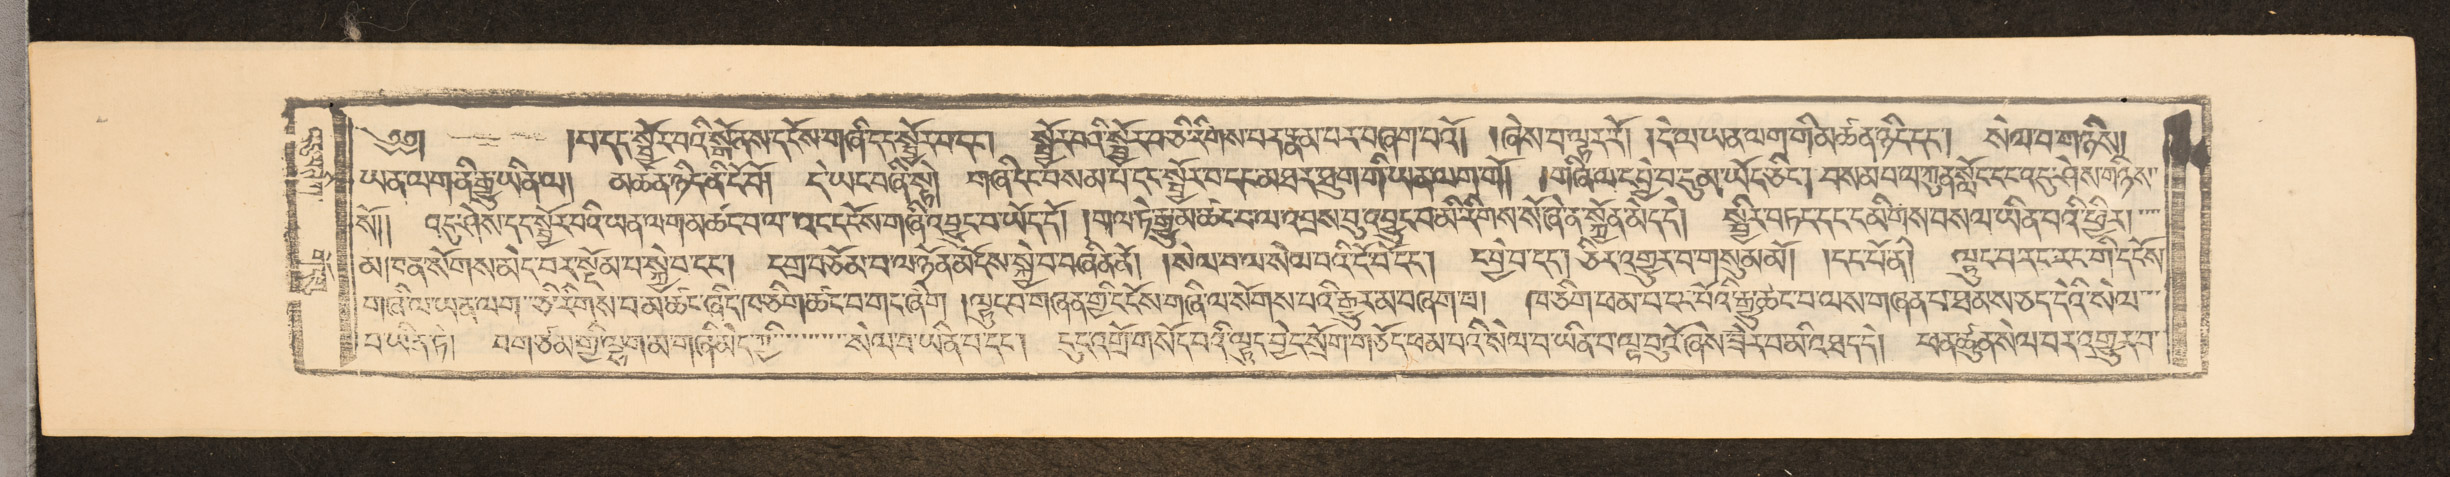༄༅། །པ་དང་སྦྱོར་བའི་སྒོ་ནས་དངོས་གཞི་དང་སྦྱོར་བ་དང་། སྦྱོར་བའི་སྦྱོར་བ་ཅི་རིགས་པར་རྣམ་པར་བཞག་པའོ། །ཞེས་པ་ལྟར་རོ། །དེ་ལ་ཡན་ལག་གི་མཚན་ཉིད་དང་། སེལ་བ་གཉིས་
ཡན་ལག་ནི་རྒྱུ་ཡིན་ལ། མཚན་ཉིད་ནི་ངོ་བོ། དེ་ཡང་བཞི་སྟེ། གཞི་དང་བསམ་པ་དང་སྦྱོར་བ་དང་མཐར་ཐུག་གི་ཡན་ལག་གོ། །གཞི་ལ་དབྱེ་བ་དུ་མ་ཡོད་ཅིང་། བསམ་པ་ལ་ཀུན་སློང་དང་འདུ་ཤེས་གཉིས་
སོ།། འདུ་ཤེས་དང་སྦྱོར་པའི་ཡན་ལག་མ་ཚང་བ་ལ་འང་དངོས་གཞི་འབྱུང་བ་ཡོད་དོ། །གལ་ཏེ་རྒྱུ་མ་ཚང་བ་ལ་འབྲས་བུ་འབྱུང་བ་མི་རིགས་སོ་ཞེ་ན་སྐྱོན་མེད་དེ། སྤྱིར་བཏང་དང་དམིགས་བསལ་ཡིན་པའི་ཕྱིར།
མཁན་སོགས་མེད་པར་སྡོམ་པ་སྐྱེ་བ་དང་། དགྲ་བཅོམ་པ་ལ་ཉོན་མོངས་སྐྱེ་བ་བཞིན་ནོ། །སེལ་བ་ལ་སེལ་བའི་ངོ་བོ་དང་། དབྱེ་བ་དང་། ཅིར་འགྱུར་བ་གསུམ་མོ། །དང་པོ་ནི། ལྟུང་བ་རང་རང་གི་དངོས་
གཞི་ལ་ཡན་ལག་ཅི་རིགས་པ་མ་ཚང་ཞིང་ཁ་ཅིག་ཚང་བ་གང་ཞིག །ལྟུང་བ་གཞན་གྱི་དངོས་གཞི་ལ་སོགས་པའི་རྒྱུར་མ་བཞག་པ། ཁ་ཅིག་ཕམ་པ་དང་པོའི་རྒྱུ་ཚང་བ་ལས་གཞན་པ་ཐམས་ཅད་དེའི་སེལ་
བ་ཡིན་ཏེ། བག་ཙམ་གྱི་ལྷག་མ་གཞི་མེད་ཀྱི་སེལ་བ་ཡིན་པ་དང་། དུད་འགྲོ་གསོད་པའི་ལྟུང་བྱེད་སྲོག་གཅོད་ཕམ་པའི་སེལ་བ་ཡིན་པ་ལྟ་བུའོ་ཞེས་ཟེར་བ་མི་འཐད་དེ། ཕན་ཚུན་སེལ་བར་འགྱུར་བ་